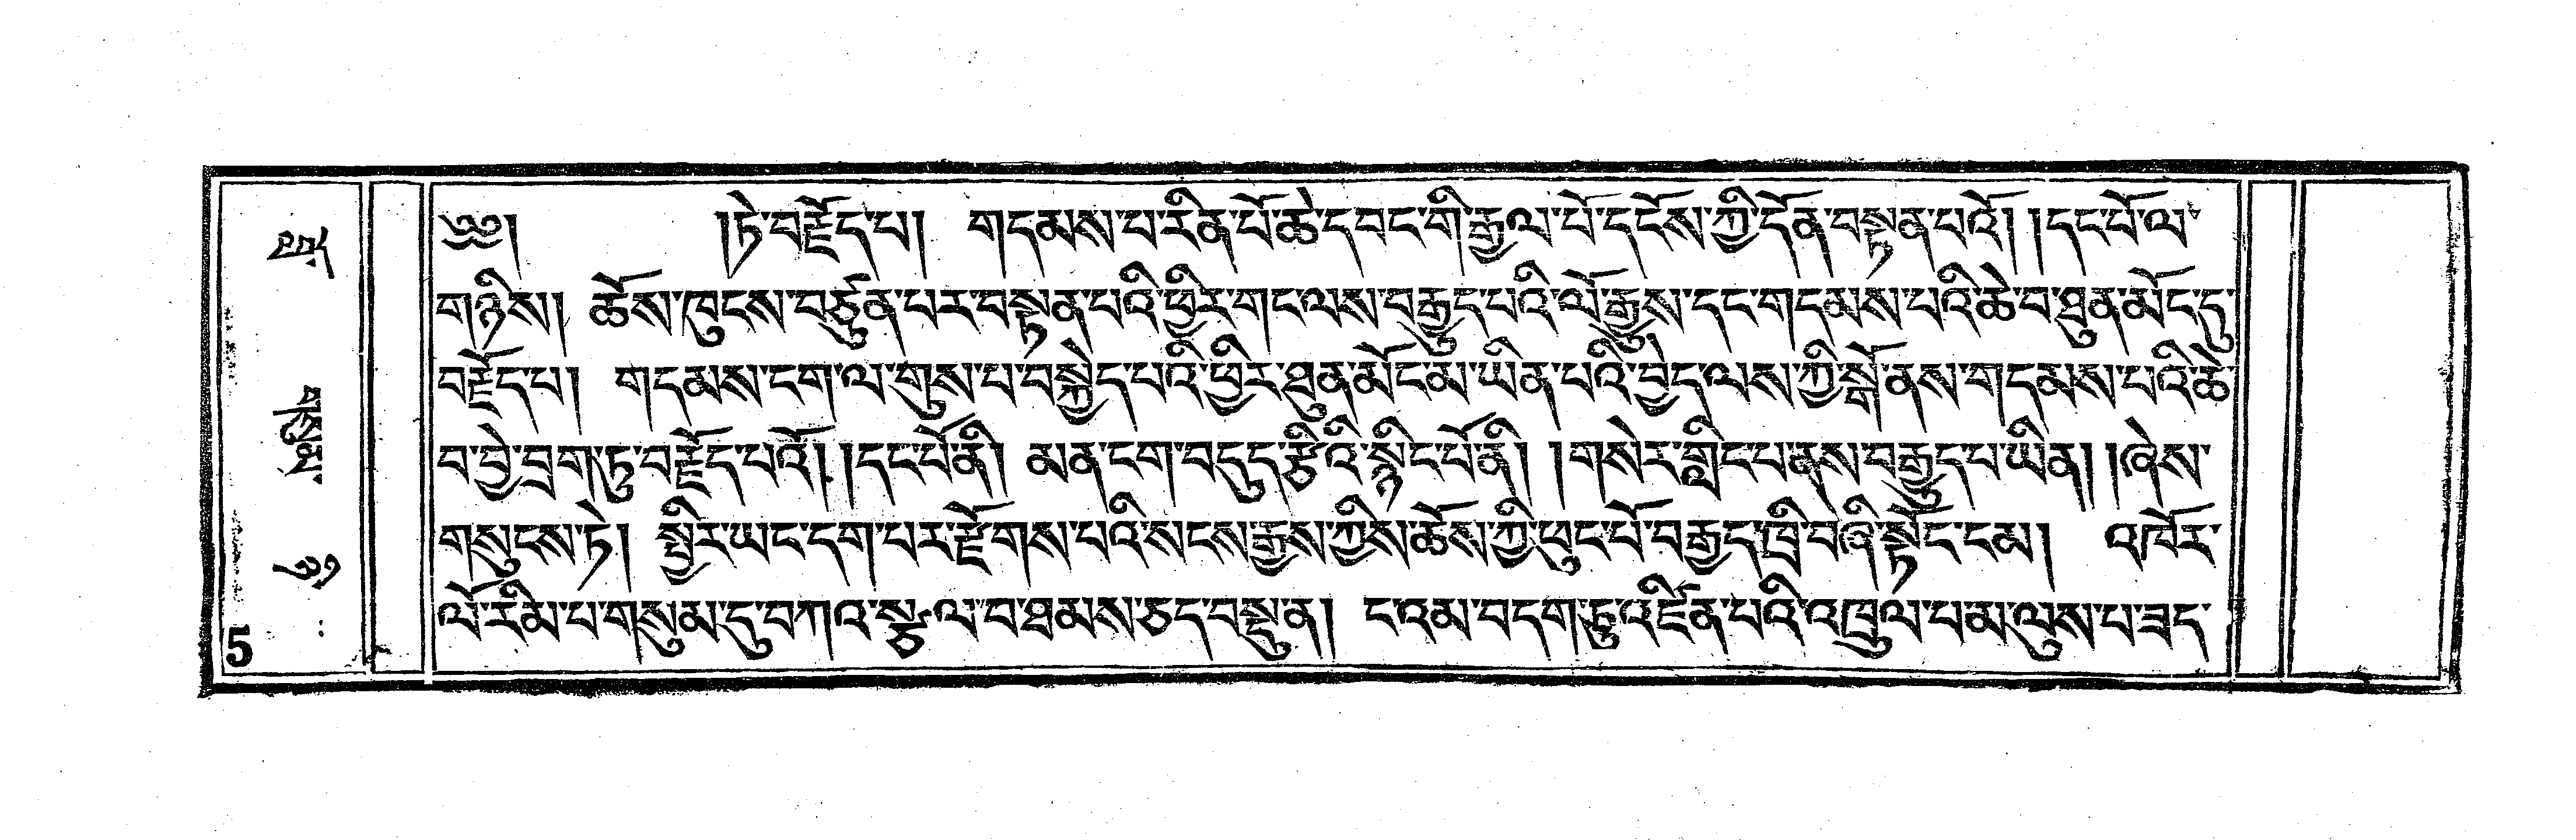༄༅། །ཏེ་བརྗོད་པ། གདམས་པ་རིན་པོ་ཆེ་དབང་གི་རྒྱལ་པོ་དངོས་ཀྱི་དོན་བསྟན་པའོ། །དང་པོ་ལ་
གཉིས། ཆོས་ཁུངས་བཙུན་པར་བསྟན་པའི་ཕྱིར་གང་ལས་བརྒྱུད་པའི་ལོ་རྒྱུས་དང་གདམས་པའི་ཆེ་བ་ཐུན་མོང་དུ་
བརྗོད་པ། གདམས་ངག་ལ་གུས་པ་བསྐྱེད་པའི་ཕྱིར་ཐུན་མོང་མ་ཡིན་པའི་བྱེད་ལས་ཀྱི་སྒོ་ནས་གདམས་པའི་ཆེ་
བ་བྱེ་བྲག་ཏུ་བརྗོད་པའོ། །དང་པོ་ནི། མན་ངག་བདུད་རྩིའི་སྙིང་པོ་ནི། །གསེར་གླིང་པ་ནས་བརྒྱུད་པ་ཡིན། །ཞེས་
གསུངས་ཏེ། སྤྱིར་ཡང་དག་པར་རྫོགས་པའི་སངས་རྒྱས་ཀྱིས་ཆོས་ཀྱི་ཕུང་པོ་བརྒྱད་ཁྲི་བཞི་སྟོང་ངམ། འཁོར་
ལོ་རིམ་པ་གསུམ་དུ་བཀའ་སྩལ་པ་ཐམས་ཅད་བསྡུ་ན། ང་འམ་བདག་ཏུ་འཛིན་པའི་འཁྲུལ་པ་མ་ལུས་པ་ཟད་